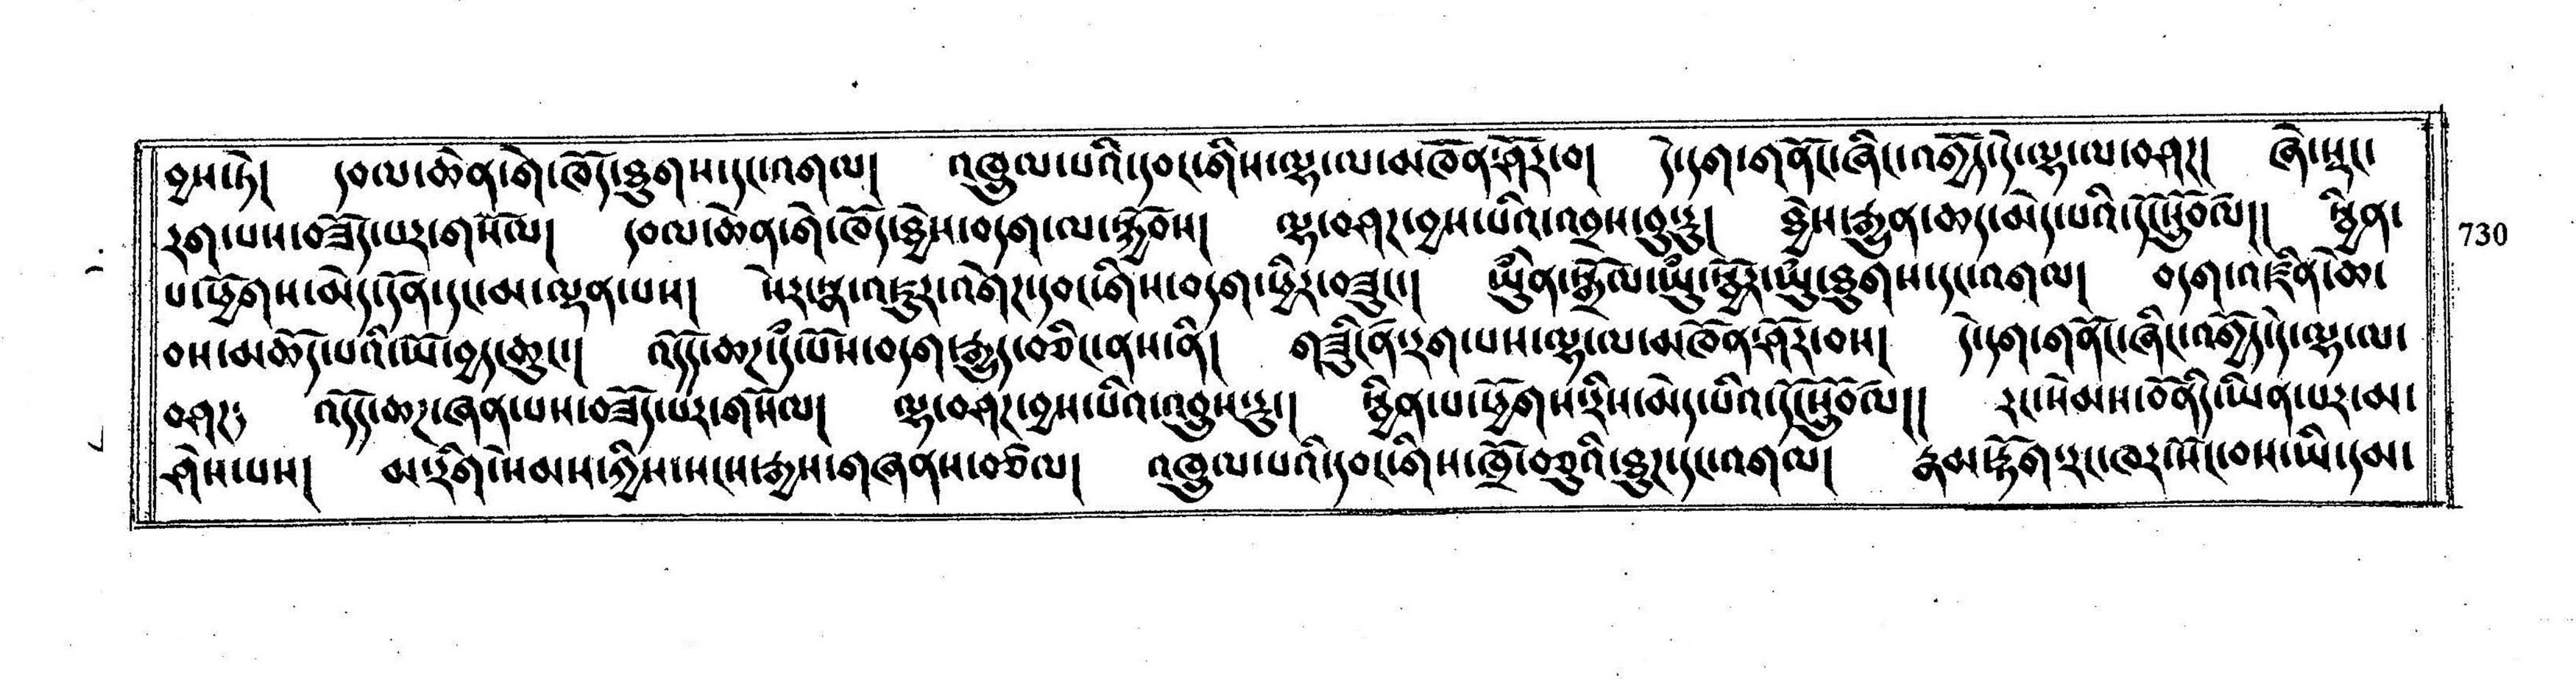བྱས་ཏེ། དབལ་ཆེན་གེ་ཁོད་ཐུགས་དང་འགལ། འཁྲུལ་པའི་དབང་གིས་ལྷ་ལ་མཁོན་ཤོར་བ། དེ་དག་གནོང་ཞིང་འགྱོད་དེ་ལྷ་ལ་བཤགས། ཞེ་སྡང་
རག་པས་བཟོད་པར་གསོལ། དབལ་ཆེན་གེ་ཁོད་ཐུགས་རྗེ་བདག་ལ་སྐྱོབས། ལྷ་བཤགས་བྱས་པའི་འབྲས་བུ་རུ། ཐུགས་རྗེ་རྒྱུན་ཆད་མེད་པའི་དངོས་གྲུབ་སྩོལ།། སྦྱིན་
པ་ཕྱོགས་མེད་དོན་དང་མ་ལྡན་པས། སེར་སྣ་འཇུར་འགེགས་དབང་གིས་བདག་ཕྱིར་བཟུང་། ཡུམ་ཆེན་སྒྲོལ་ཡུམ་སྦྱོར་ཡུམ་ཐུགས་དང་འགལ། བདག་འཛིན་ཆེ་
བས་མཆོད་པའི་ཡོ་བྱད་ཆུང་། འདོད་ཆགས་དམ་པོས་བདག་རྒྱུད་བཅིང་ནས་ནི། གཟུང་འཛིན་རག་པས་ལྷ་ལ་མཁོན་ཤོར་བས། དེ་དག་གནོང་ཞིང་འགྱོད་དེ་ལྷ་ལ་
བཤགས། འདོད་ཆགས་ཞན་པས་བཟོད་པར་གསོལ། ལྷ་བཤགས་བྱས་པའི་འབྲས་བུ་རུ། སྦྱིན་པ་ཕྱོགས་རིས་མེད་པའི་དངོས་གྲུབ་སྩོལ།། རང་སེམས་བོན་ཉིད་ཡིན་པར་མ་
ཤེས་པས། མ་རིག་སེམས་ཀྱིས་སངས་རྒྱས་གཞན་ནས་བཙལ། འཁྲུལ་པའི་དབང་གིས་ཁྲོ་བཅུའི་ཐུགས་དང་འགལ། རྣམ་རྟོག་རང་ཁར་སོང་བས་ཡི་དམ་